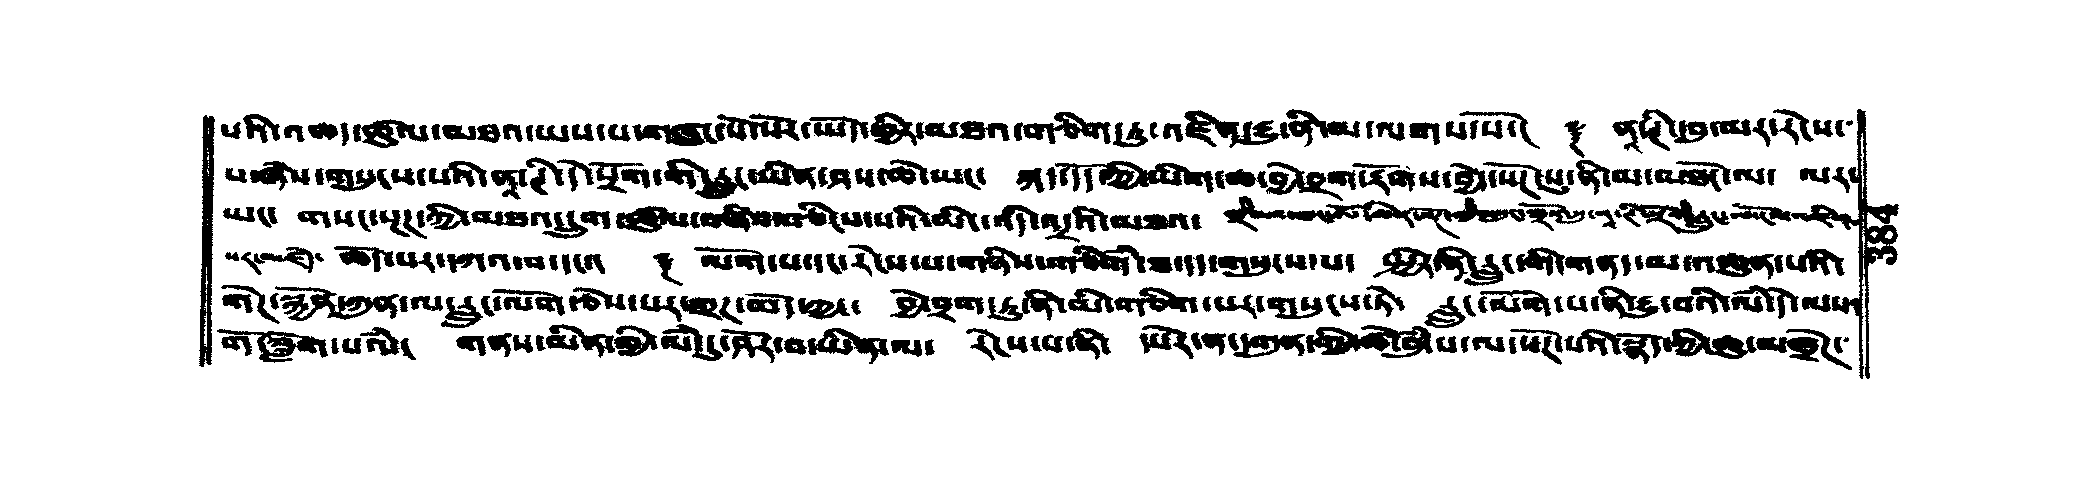པའི་འཆད་ཚུལ་མཐའ་ཡས་པ་གཞུང་སོ་སོར་ཡོད་ཕྱིར་མཐའ་གཅིག་ཏུ་འཛིན་རྒྱུ་ནི་མ་ལགས་སོ། ནཱ་ཊི་དབུ་མར་རེངས་
པ་ཞེས་གསུངས་པའི་ནཱ་ཊི་དེ་སྲོག་གི་རླུང་ཡིན་ཤས་ཆེ་ཡང་། སྐད་དོད་ཀྱི་ཡིག་ཆ་བྱེ་བྲག་རྟོགས་བྱེད་སོགས་སུ་ནི་མ་མཐོང་ལ། ལར་
ཡང་། གསང་སྔགས་ཀྱི་མཐའ་དྲུག་ཚུལ་བཞིས་བཅིངས་པའི་མིང་འདི་འདྲའི་མཐའ་ ཁྲིམ་བཟང་མོ་དམིགས་སོགས་ཀྱི་བཟློག་སུ་ར་སྤྲོད་རླུང་མངོན་འཇིགས་
པར་མཛོད་ ཆོད་པར་དཀའ་བ་དང་། ལོག་པ་དང་རེངས་པ་གཉིས་གཅིག་གམ་ཐ་དད་གསུངས་པ། སྤྱིར་ནི་རླུང་གི་གནད་མ་འཆུན་པའི་
གེགས་སྐྱོན་ཀུན་ལ་རླུང་ལོག་ཅེས་པར་གྲགས་མོད་ཀྱང་། བྱེ་བྲག་ཏུ་ནི་མི་གཅིག་པར་གསུངས་ཏེ། རླུང་ལོག་པ་ནི་རྒྱུ་བའི་ལམ་དེ་ལས་
གོ་ཟློག་པའམ། གནས་མིན་གྱི་ལམ་དུ་ཤོར་བ་ཡིན་ལ། རེངས་པ་ནི། དཔེར་ན་དགུན་གྱི་ཚེ་བུམ་པ་ལ་སོགས་པའི་སྣོད་ཀྱི་ཆུ་མཁྲེགས་